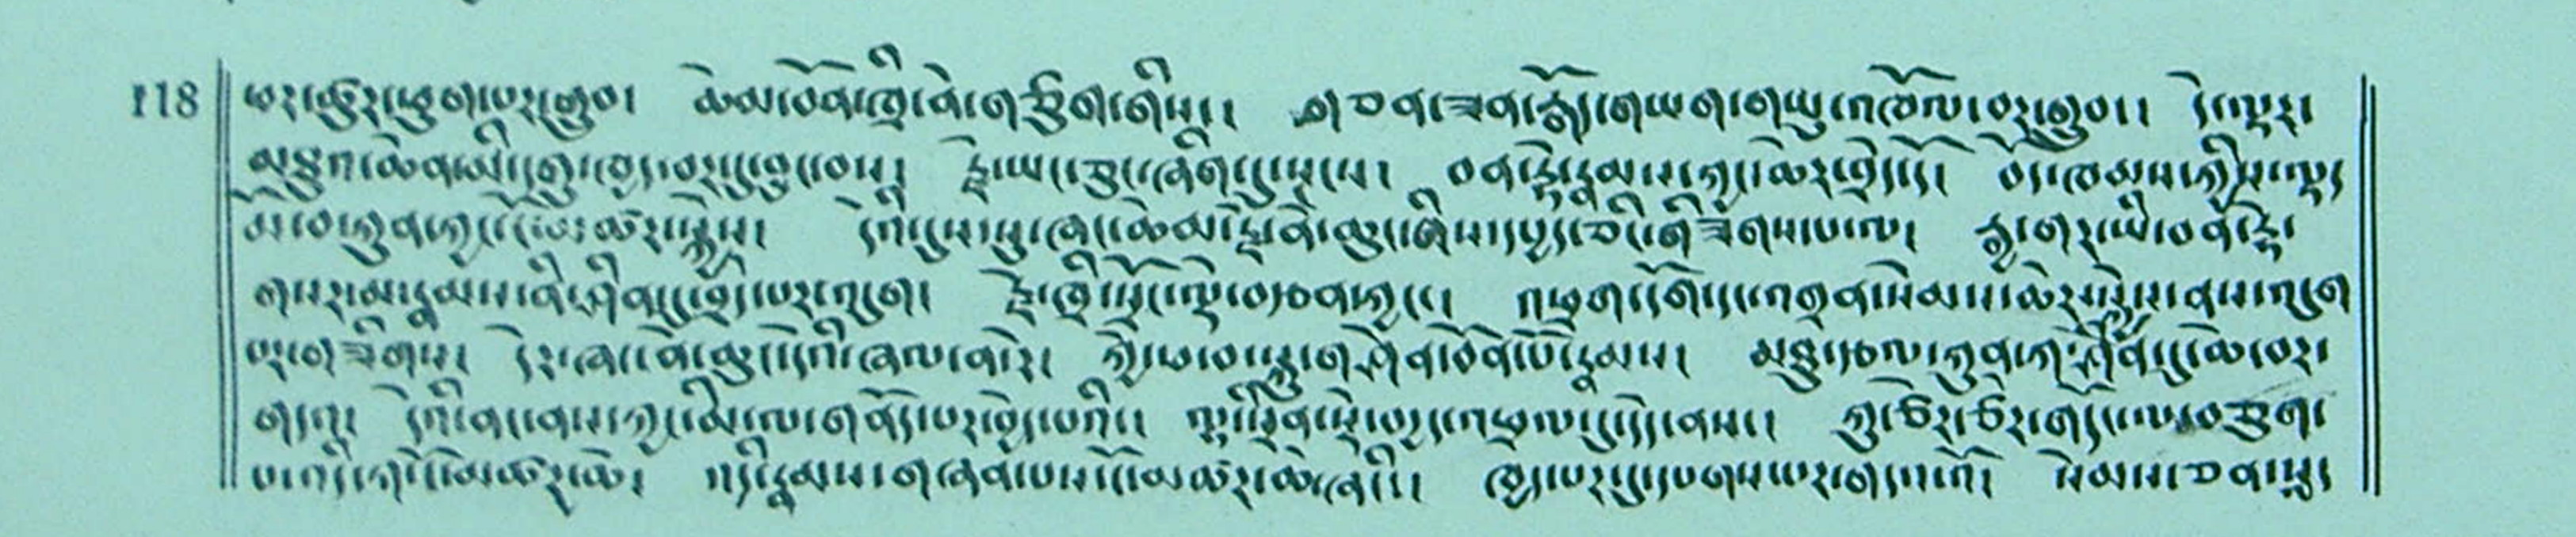ཕར་ཚུར་ཕུག་པར་གྲུབ། ཆེམ་བོན་ཁྲི་ནེ་གཙུག་གིས། གཅན་ཟན་རྒོད་གཡག་གཡུ་འཁོལ་བར་གྲུབ། དེ་ལྟར་
མཐུ་ཆེན་མི་དགུ་ཁྱད་པར་དུ་བྱུང་བས། རྗེ་ཡང་ཅུང་ཞིག་ཏུ་སྔངས། བན་དྷེ་རྣམས་ཀྱིས་ཆེར་བྲེད་དོ། །བོད་ཁམས་ཀྱི་ལྟད་
མོ་བ་ཀུན་ཀྱང་ངོ་མཚར་སྐྱེས། །དེའི་དུས་སུ་ཞང་ཆེམ་རྗེ་ནེའུ་ཆུང་གིས་དཔྱད་ཅིང་གཟིགས་པ་ལ། རྒྱ་གར་གྱི་བན་དྷེ་
གསར་མ་རྣམས་ནི་ཤིན་ཏུ་བྲེད་པར་འདུག རྗེ་ཁྲི་སྲོང་ལྡེ་བཙན་ཀྱང་། ཕྲག་དོག་དང་འགྲན་སེམས་ཆེར་སྐྱེས་ནས་འདུག་
པར་གཟིགས། དེར་ཞང་ནེའུ་ཆུང་དེའི་ཞལ་ན་རེ། ཀྱེ་ཕ་བ་སྐུ་གཤེན་བོན་པོ་རྣམས། མཐུ་རྩལ་ཀུན་ཀ་ཤིན་ཏུ་ཆེ་བར་
གདའ། དེའི་ནང་ནས་མི་ལ་གནོད་པར་བྱེད་པའི། ལྷ་སྲིན་སྡེ་བརྒྱད་འཕྲལ་དུ་དེད་ནས། ཀུ་ཙེར་ཙེར་གདོང་ལ་བཅུག་
པ་འདི་ཀ་ངོ་མཚར་ཆེ། འདི་རྣམས་གཞན་པས་ཀྱང་ངོ་མཚར་ཆེ་ཞིང་། ཁྱད་པར་དུ་དཔགས་པར་གདའ་འོ། །སེམས་ཅན་སླད་